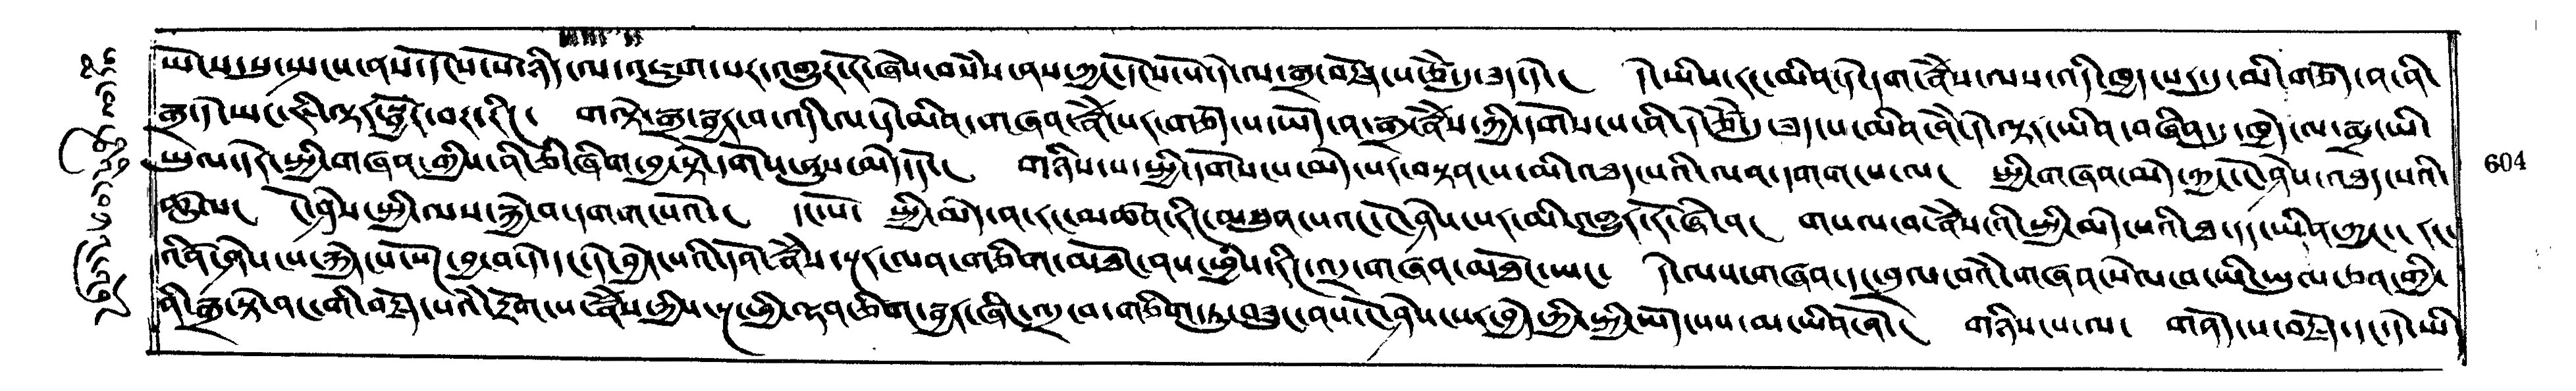ཡོངས་སུ་སྤངས་ནས་དངོས་པོ་ཉིད་ལ་འཇུག་པར་འགྱུར་རོ་ཞེས་བསམ་ནས་ཀྱང་དངོས་པོ་དེ་ལ་སྒྲ་བརྗོད་པ་ཙམ་དུ་ཟད་དེ། དེ་ཡིས་རང་མིན་དེ་དག་རྣམས་ལས་འདི་ཁྱད་པར་དུ་མི་གཅོད་ན་ནི་
སྒྲ་དེ་ཡང་ཇི་ལྟར་སྦྱོར་བར་རིགས། གལ་ཏེ་སྒྲ་སྦྱར་བ་འདི་ལ་དེ་མིན་གཞན་རྣམ་པར་གཅོད་པ་ཡོད་ན་སྒྲ་རྣམས་ཀྱི་དགོས་པ་ནི་དེ་ཙམ་དུ་ཟད་པ་མིན་ནམ་དེ་ལྟར་ཡིན་བཞིན་དུ་ཁྱེད་ལ་སྨྲའི་
ཡུལ་དེར་སྤྱི་གཞན་གྱིས་ནི་ཅི་ཞིག་བྱ་སྟེ་དགོས་ནུས་མེད་དོ།། གཉིས་པ་སྤྱི་དགོས་པ་མེད་པར་བསྟན་པ་མི་འཐད་པའི་ལན་དགག་པ་ལ། སྤྱི་གཞན་མེད་ཀྱང་ངོ་ཤེས་འཐད་པའི་
ཚུལ། །ངོ་ཤེས་སྤྱི་ལས་སྐྱེ་བ་དགག་པའོ། །དང་པོ།སྤྱི་མེད་ན་རང་མཚན་རིགས་མཐུན་པའང་ངོ་ཤེས་པར་མི་འགྱུར་རོ་ཞེ་ན། གསལ་བ་རྣམས་ནི་སྤྱི་མེད་པའི་ཐ་དད་ཡིན་ཡང་། རང་
འཛིན་ཤེས་པ་སྐྱེད་པ་སོགས་བྱ་བ་དེ་དང་བྱེད་པའི་དོན་རྣམས་སྔར་ལན་གཅིག་མཐོང་ནས་ཕྱིས་རིགས་འདྲ་གཞན་མཐོང་ཡང་། དེ་ལས་གཞན་དང་བྲལ་བའམ་གཞན་སེལ་བའི་ཡུལ་ཅན་གྱི་
ནི་སྒྲ་སྟེ་ནང་གི་བརྗོད་པའི་རྟོག་པ་རྣམས་ཀྱིས་སྔ་ཕྱི་ལྷན་ཅིག་སྦྱར་ཞིང་འདྲ་བ་གཅིག་ཏུ་བཟུང་ནས་ངོ་ཤེས་པར་བྱེད་ཀྱི་སྤྱི་ཡོད་པས་མ་ཡིན་ནོ།། གཉིས་པ་ལ། གནོད་པ་བརྗོད་པ་དང་དེའི་